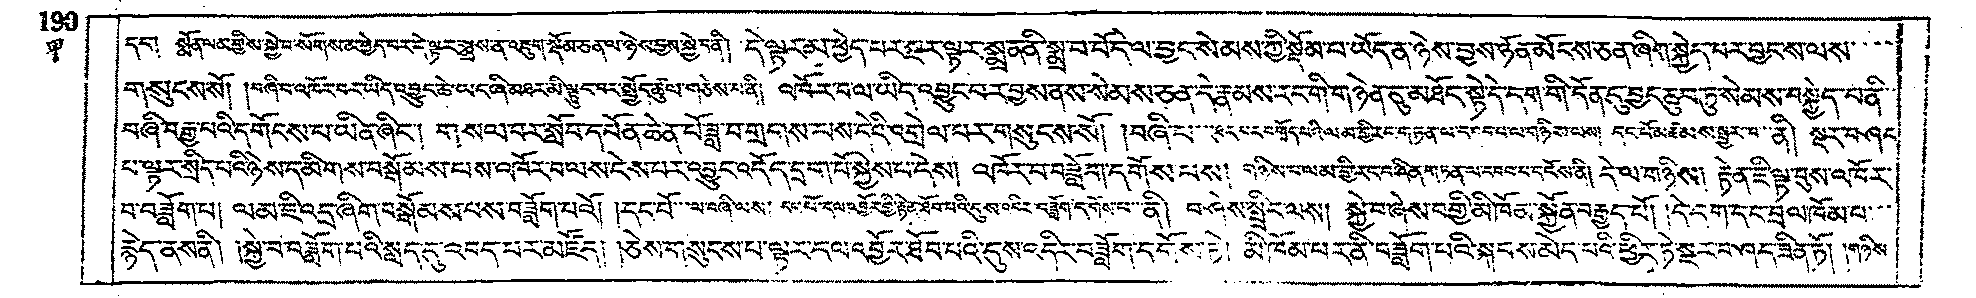དང་། སྨོན་ལམ་གྱིས་སྐྱེ་བ་སོགས་མ་བྱེད་པར་དེ་ལྟར་སྨྲས་ན་འཇུག་སྡོམ་ཅན་ལ་ཉེས་བྱས་སྐྱེ་བ་ནི།  དེ་ལྟར་མ་ཕྱེད་པར་སྔར་ལྟར་སྨྲ་ན་ནི་སྨྲ་བ་པོ་དེ་ལ་བྱང་སེམས་ཀྱི་སྡོམ་པ་ཡོད་ན་ཉེས་བྱས་ཉོན་མོངས་ཅན་ཞིག་སྐྱེད་པར་བྱང་ས་ལས་
གསུངས་སོ། །བཞི་པ་འཁོར་བར་ཡིད་འབྱུང་ཆེ་ཡང་ཞི་མཐར་མི་ལྟུང་བར་སྤྱོད་ཚུལ་གཅེས་པ་ནི།  འཁོར་བ་ལ་ཡིད་འབྱུང་བར་བྱས་ནས་སེམས་ཅན་དེ་རྣམས་རང་གི་གཉེན་དུ་མཐོང་སྟེ་དེ་དག་གི་དོན་དུ་བྱང་ཆུབ་ཏུ་སེམས་བསྐྱེད་པ་ནི་
བཞི་བརྒྱ་པའི་དགོངས་པ་ཡིན་ཞིང་། གསལ་བར་སློབ་དཔོན་ཆེན་པོ་ཟླ་བ་གྲགས་པས་དེའི་འགྲེལ་པར་གསུངས་སོ། །བཞི་པ་ཐར་པར་བགྲོད་པའི་ལམ་གྱི་རང་གཏན་ལ་དབབ་པ་ལ་གཉིས་ལས། དང་པོ་མཚམས་སྤྱར་བནི། སྔར་བཤད་
པ་ལྟར་སྲིད་པའི་ཉེས་དམིགས་བསྒོམས་པས་འཁོར་བ་ལས་ངེས་པར་འབྱུང་འདོད་དྲག་པོ་སྐྱེས་པ་དེས། འཁོར་བ་བཟློག་དགོས་པས། གཉིས་པ་ལམ་གྱི་རང་བཞིན་གཏན་ལ་དབབ་པ་དངོས་ནི། དེ་ལ་གཉིས། རྟེན་ཇི་ལྟ་བུས་འཁོར་
བ་བཟློག་པ། ལམ་ཇི་འདྲ་ཞིག་བསྒོམས་པས་བཟློག་པའོ། །དང་པོ་ལ་བཞི་ལས། དང་པོ་དལ་འབྱོར་གྱི་རྟེན་ཐོབ་པའི་དུས་འདིར་བཟློག་དགོས་པནི། བཤེས་སྤྲིང་ལས། སྐྱེ་བ་ཞེས་བགྱི་མི་ཁོམ་སྐྱོན་བརྒྱད་པོ། །དེ་དག་དང་བྲལ་ཁོམ་པ་
རྙེད་ནས་ནི། །སྐྱེ་བ་བཟློག་པའི་སླད་དུ་འབད་པར་མཛོད། །ཅེས་གསུངས་པ་ལྟར་དལ་འབྱོར་ཐོབ་པའི་དུས་འདིར་བཟློག་དགོས་ཏེ། མི་ཁོམ་པར་ནི་བཟློག་པའི་སྐབས་མེད་པའི་ཕྱིར་ཏེ་སྔར་བཤད་ཟིན་ཏོ། །གཉིས་